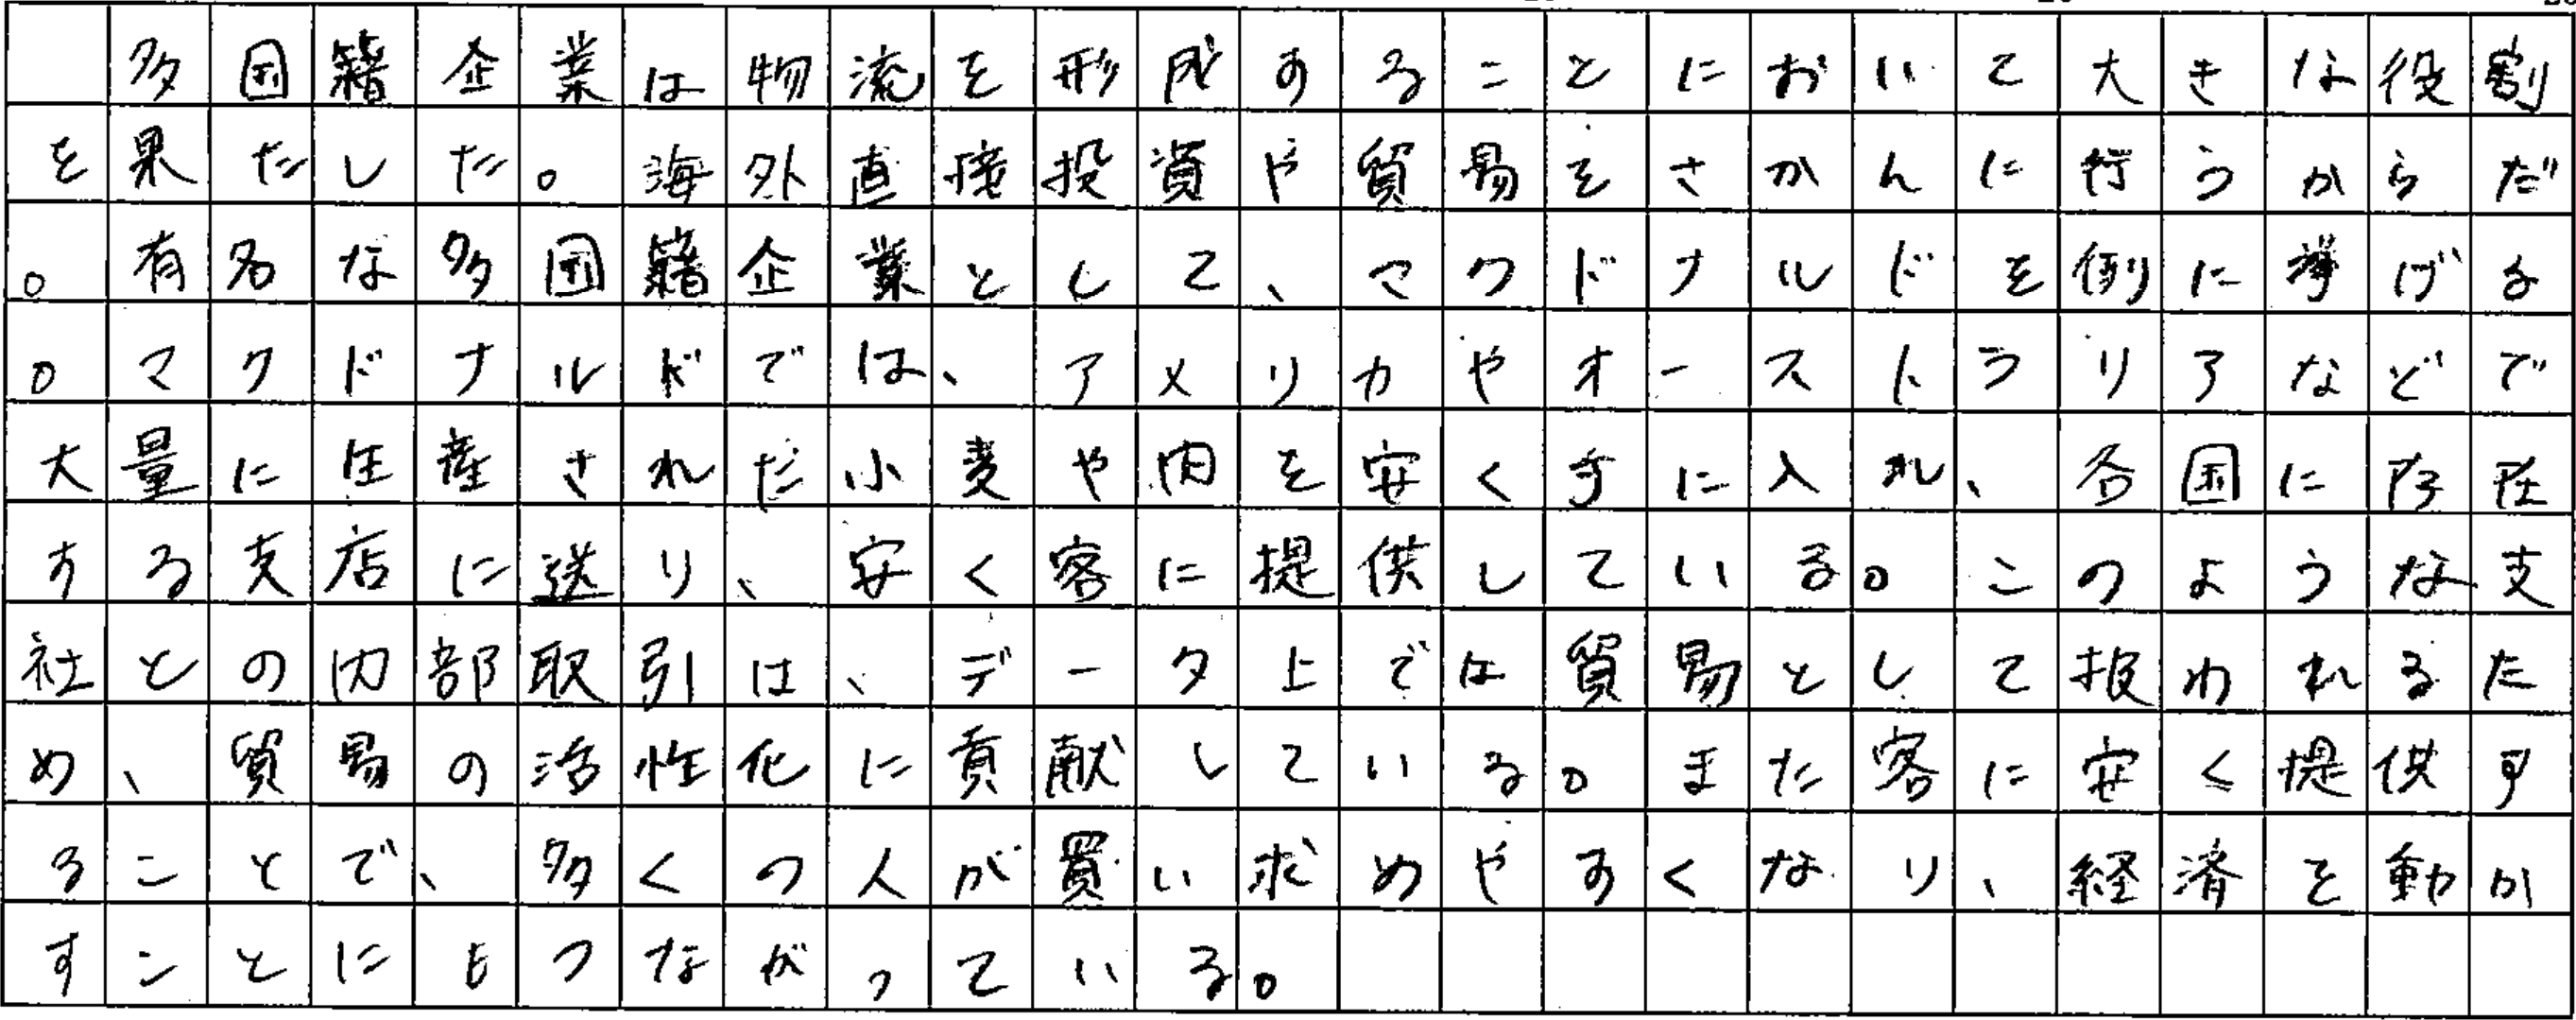　多国籍企業は物流を形成することにおいて大きな役割を果たした。海外直接投資や貿易をさかんに行うからだ。有名な多国籍企業として、マクドナルドを例に挙げる。マクドナルドでは、アメリカやオーストラリアなどで大量に生産された小麦や肉を安く手に入れ、各国に存在する支店に送り、安く客に提供している。このような支社との内部取引は、データ上では貿易として扱われるため、貿易の活性化に貢献している。また客に安く提供することで、多くの人が買い求めやすくなり、経済を動かすことにもつながっている。
